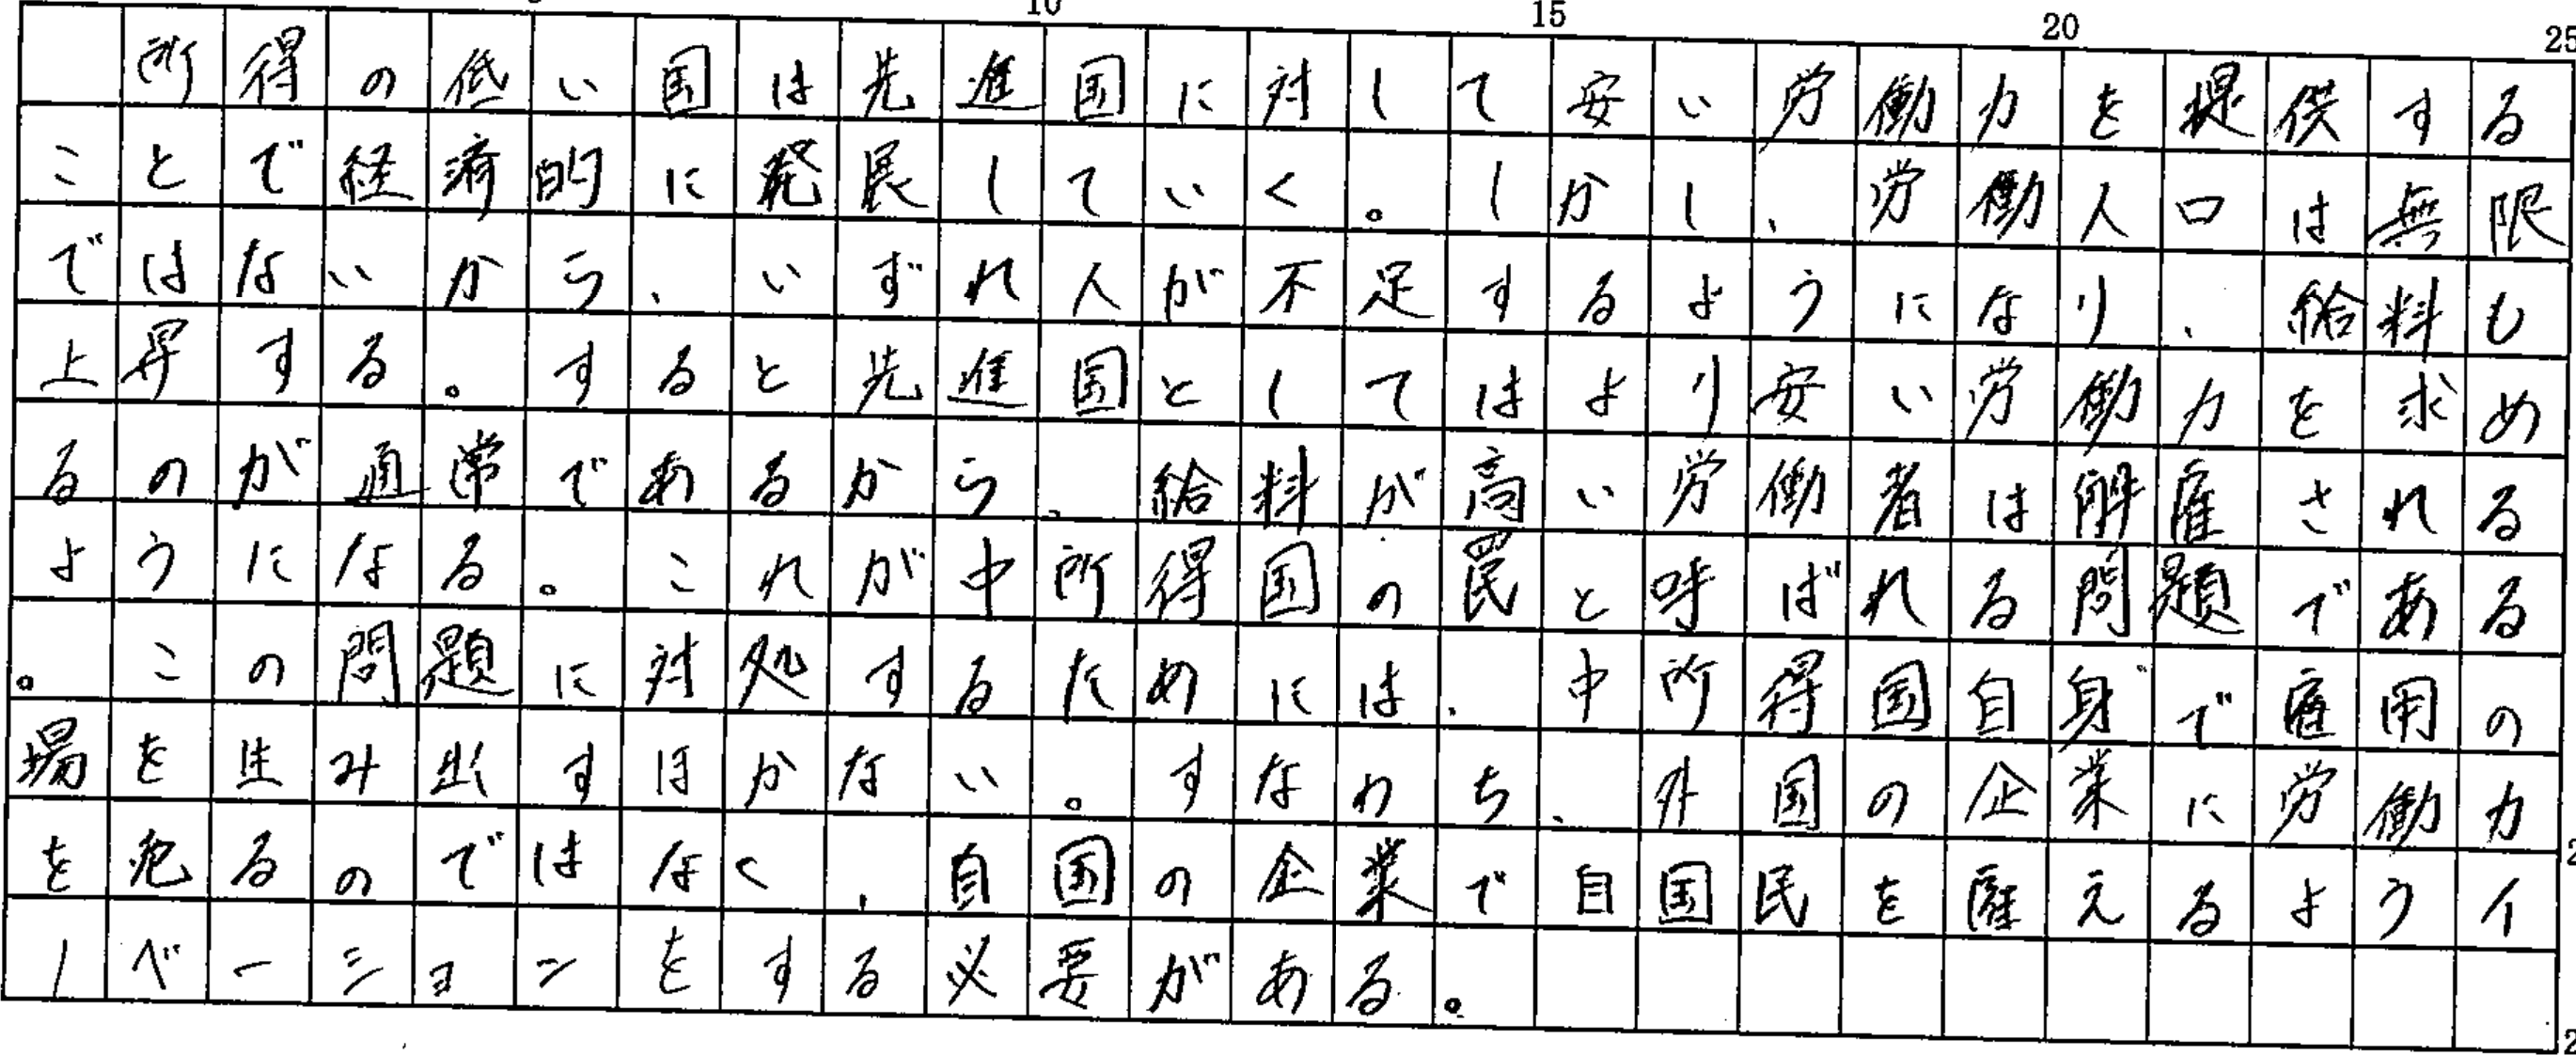　所得の低い国は先進国に対して安い労働力を提供することで経済的に発展していく。しかし、労働人口は無限ではないから、いずれ人が不足するようになり、給料も上昇する。すると先進国としてはより安い労働力を求めるのが通常であるから、給料が高い労働者は解雇されるようになる。これが中所得国の罠と呼ばれる問題である。この問題に対処するためには、中所得国自身で雇用の場を生み出すほかない。すなわち、外国の企業に労働力を売るのではなく、自国の企業で自国民を雇えるようイノベーションをする必要がある。
